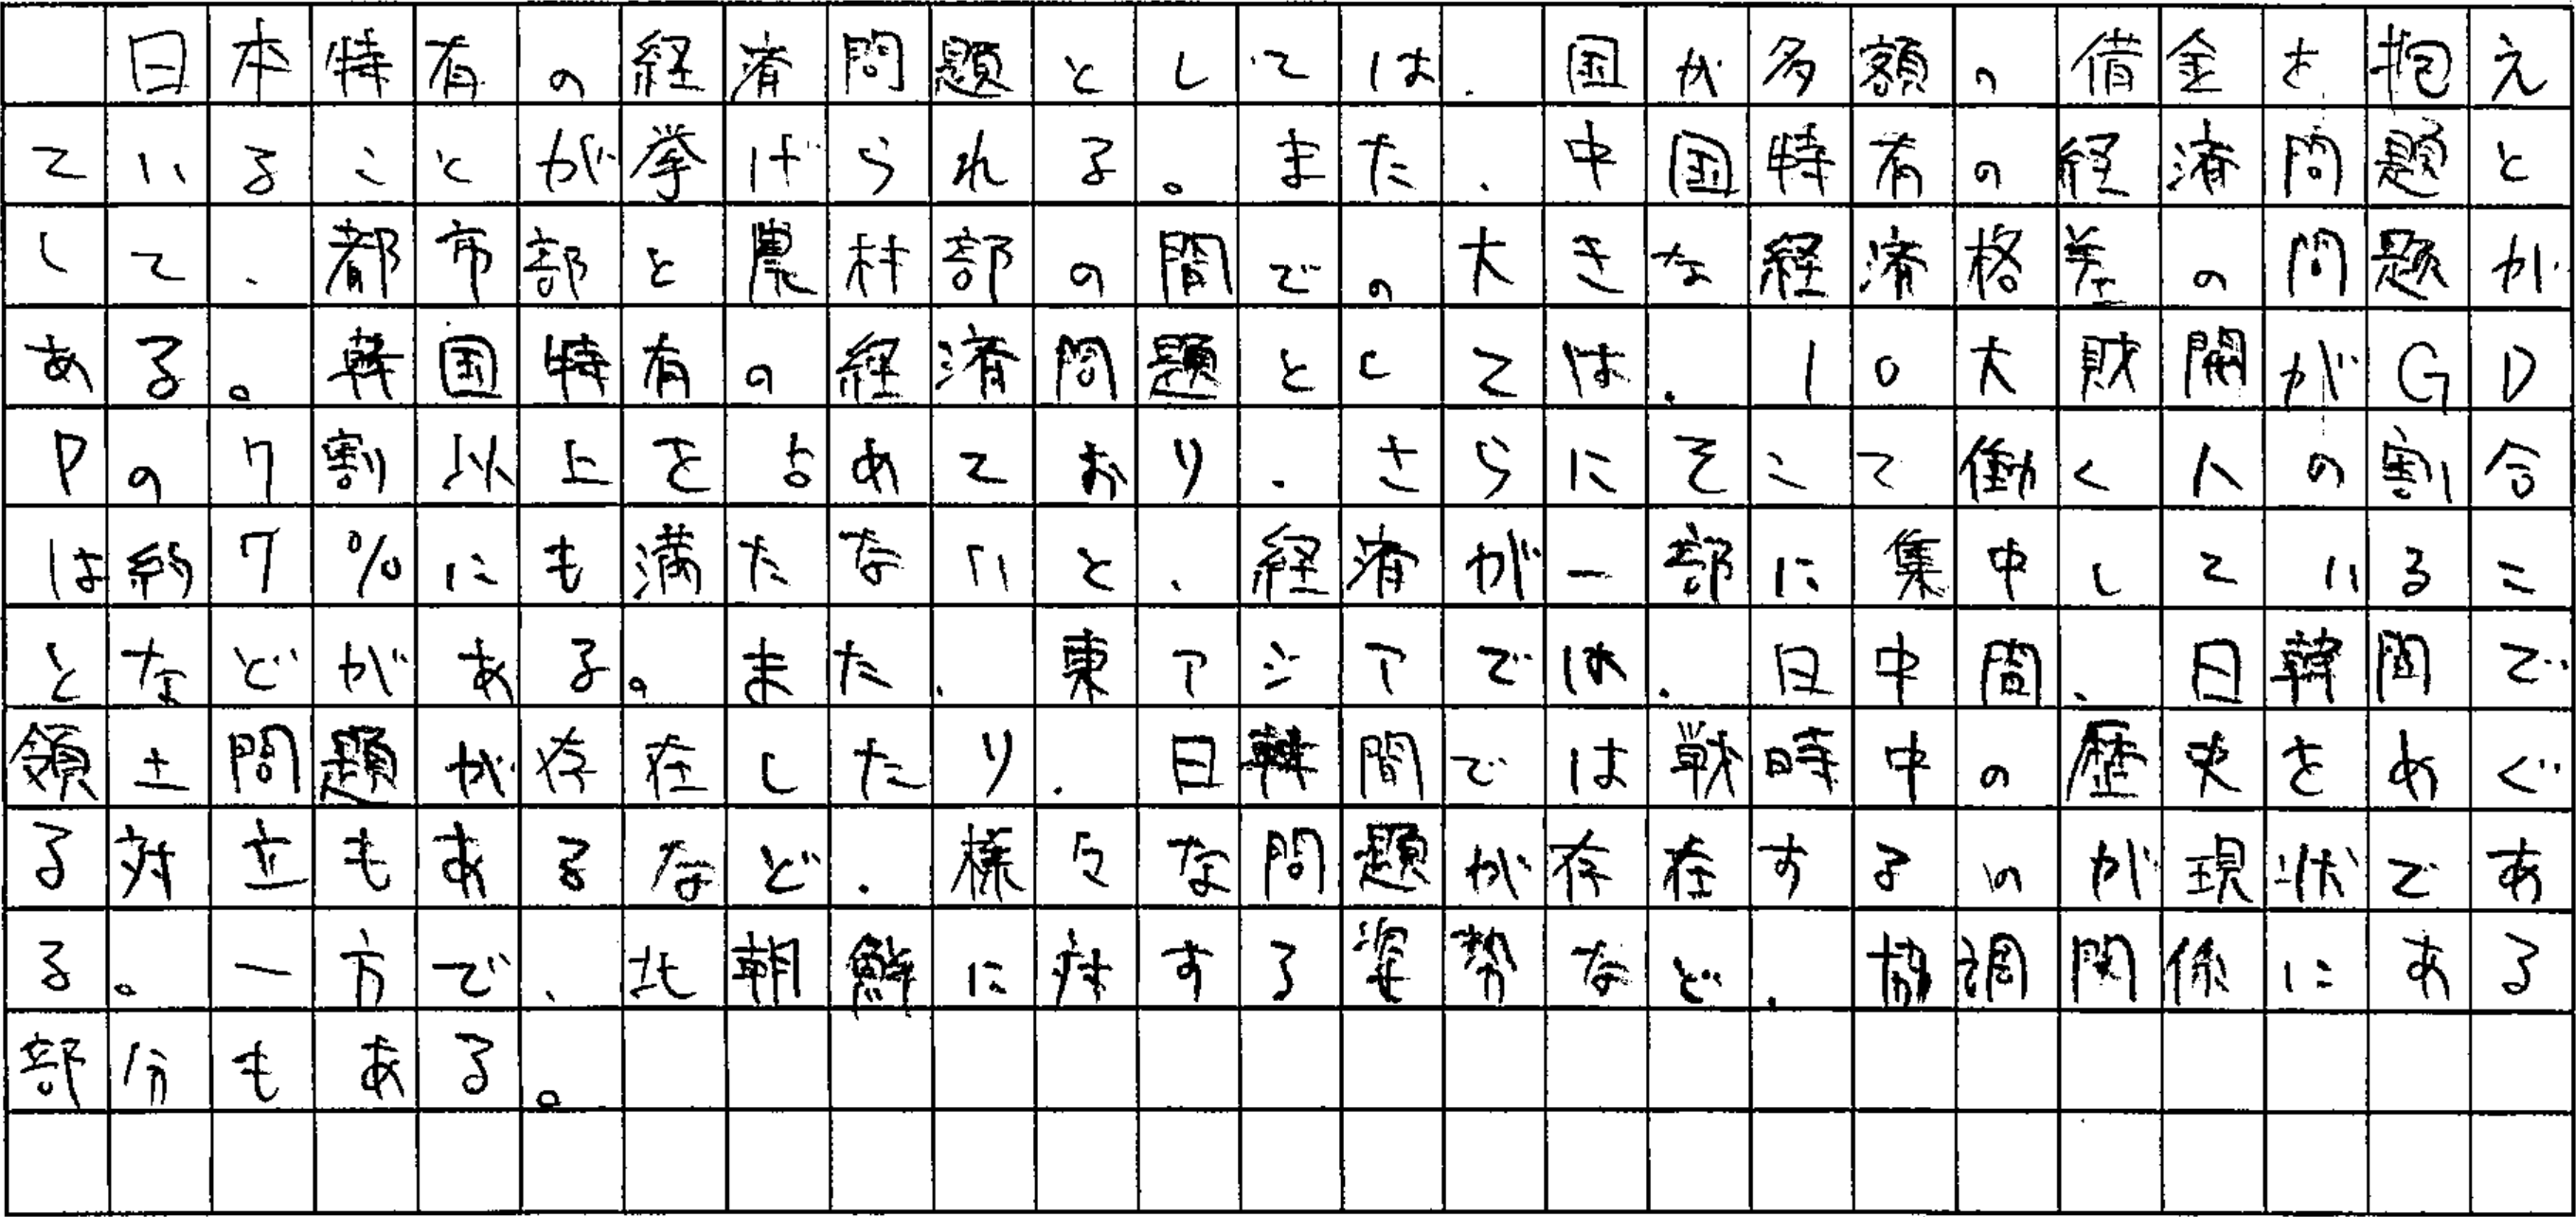　日本特有の経済問題としては、国が多額の借金を抱えていることが挙げられる。また、中国特有の経済問題として、都市部と農村部の間での大きな経済格差の問題がある。韓国特有の経済問題としては、１０大財閥がＧＤＰの７割以上を占めており、さらにそこて働く人の割合は約７％にも満たないと、経済が一部に集中していることなどがある。また、東アジアでは、日中間、日韓間で領土問題が存在したり、日韓間では戦時中の歴史をめぐる対立もあるなど、様々な問題が存在するのが現状である。一方で、北朝鮮に対する姿勢など、協調関係にある部分もある。
